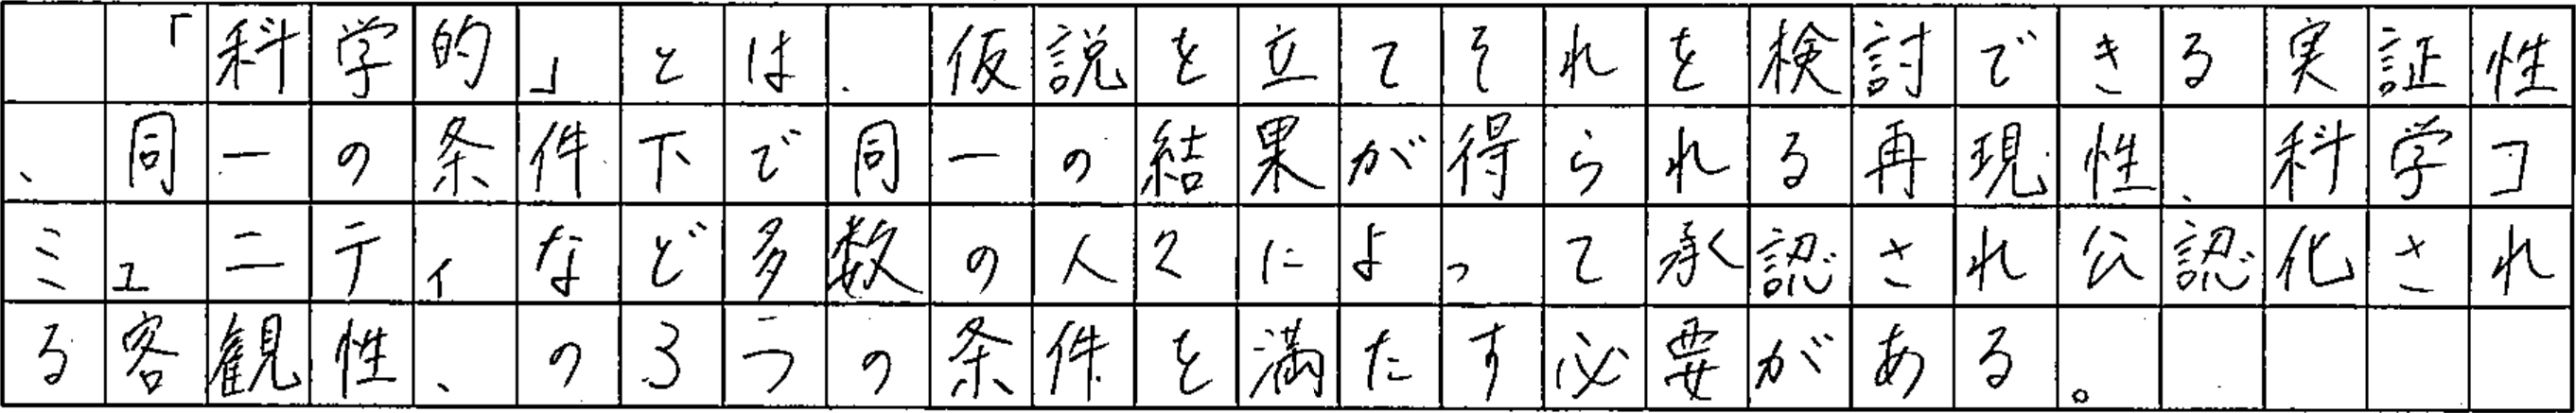　「科学的」とは、仮説を立てそれを検討できる実証性、同一の条件下で同一の結果が得られる再現性、科学コミュニティなど多数の人々によって承認され公認化される客観性、の３つの条件を満たす必要がある。
